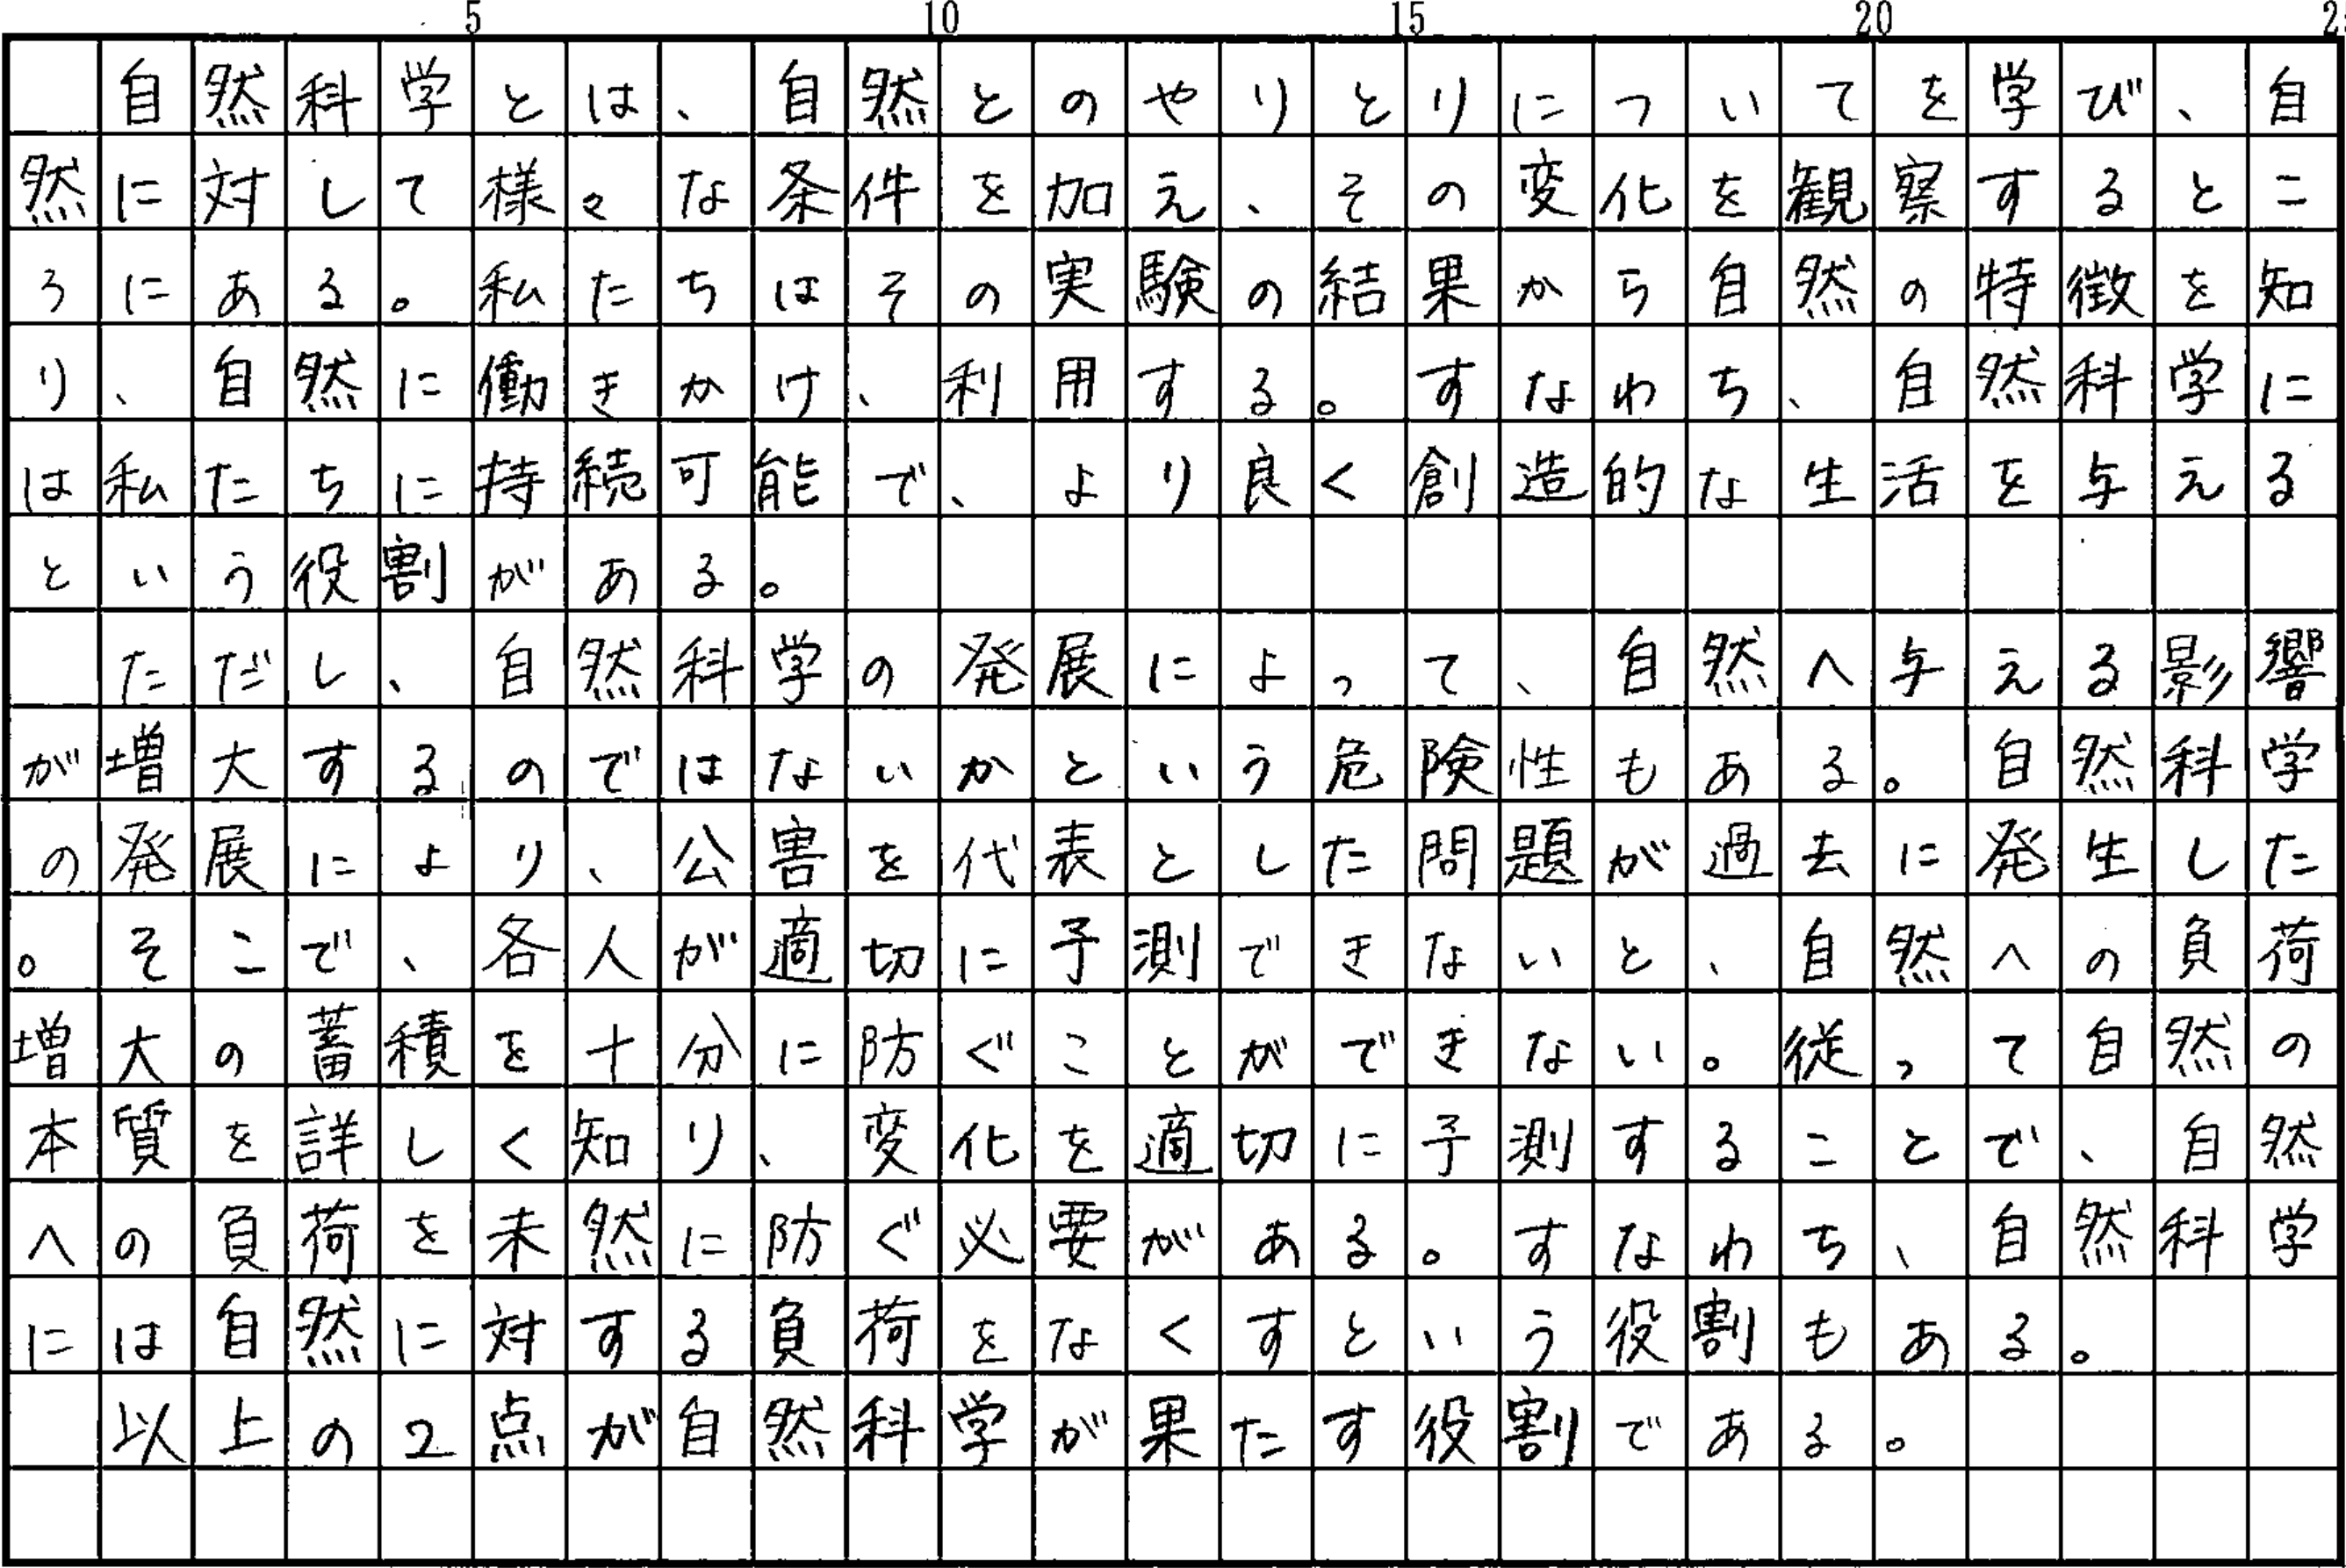　自然科学とは、自然とのやりとりについてを学び、自然に対して様々な条件を加え、その変化を観察するところにある。私たちはその実験の結果から自然の特徴を知り、自然に働きかけ、利用する。すなわち、自然科学には私たちに持続可能で、より良く創造的な生活を与えるという役割がある。
　ただし、自然科学の発展によって、自然へ与える影響が増大するのではないかという危険性もある。自然科学の発展により、公害を代表とした問題が過去に発生した。そこで、各人が適切に予測できないと、自然への負荷増大の蓄積を十分に防ぐことができない。従って自然の本質を詳しく知り、変化を適切に予測することで、自然への負荷を未然に防ぐ必要がある。すなわち、自然科学には自然に対する負荷をなくすという役割もある。
　以上の２点が自然科学が果たす役割である。
